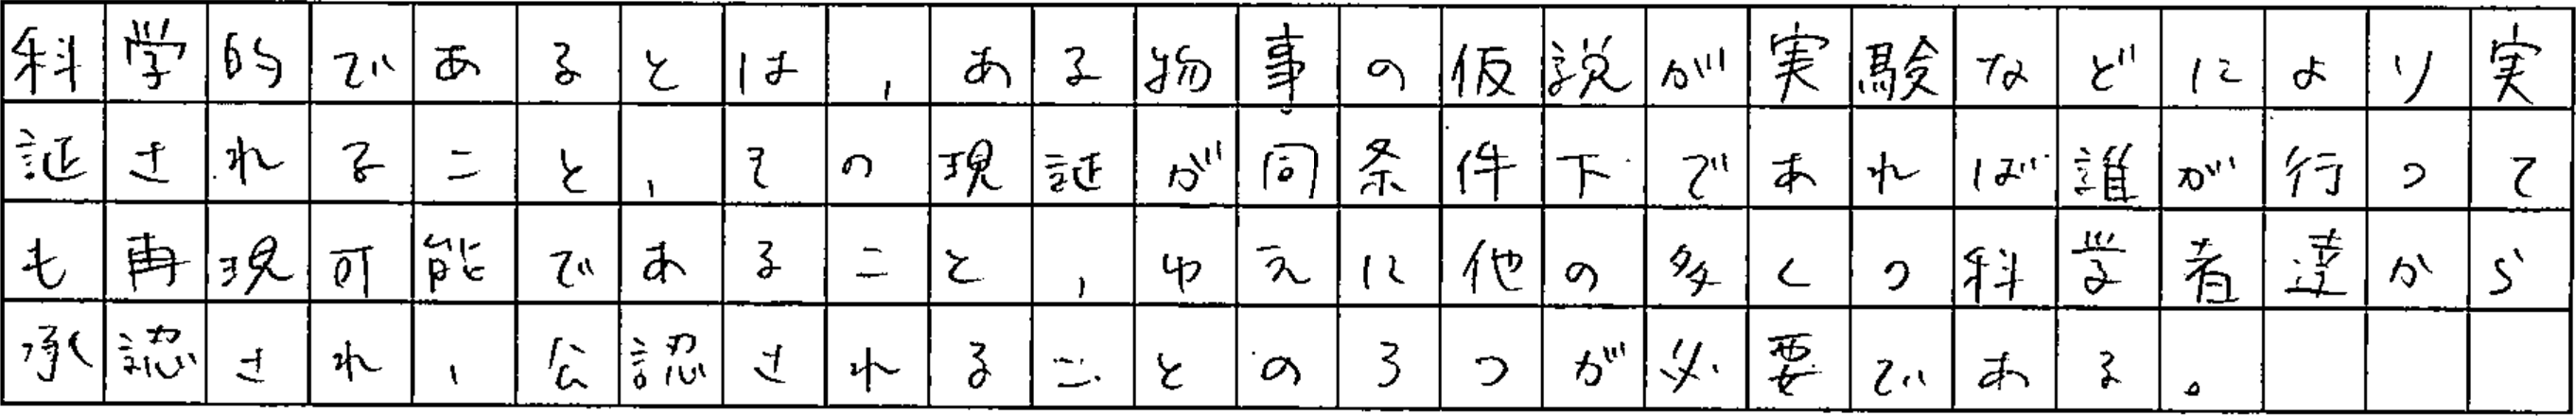科学的であるとは、ある物事の仮説が実験などにより実証されること、その現証が同条件下であれば誰が行っても再▁可能であること、ゆえに他の多くの科学者▁から承認され、公認されることの３つが必要である。
